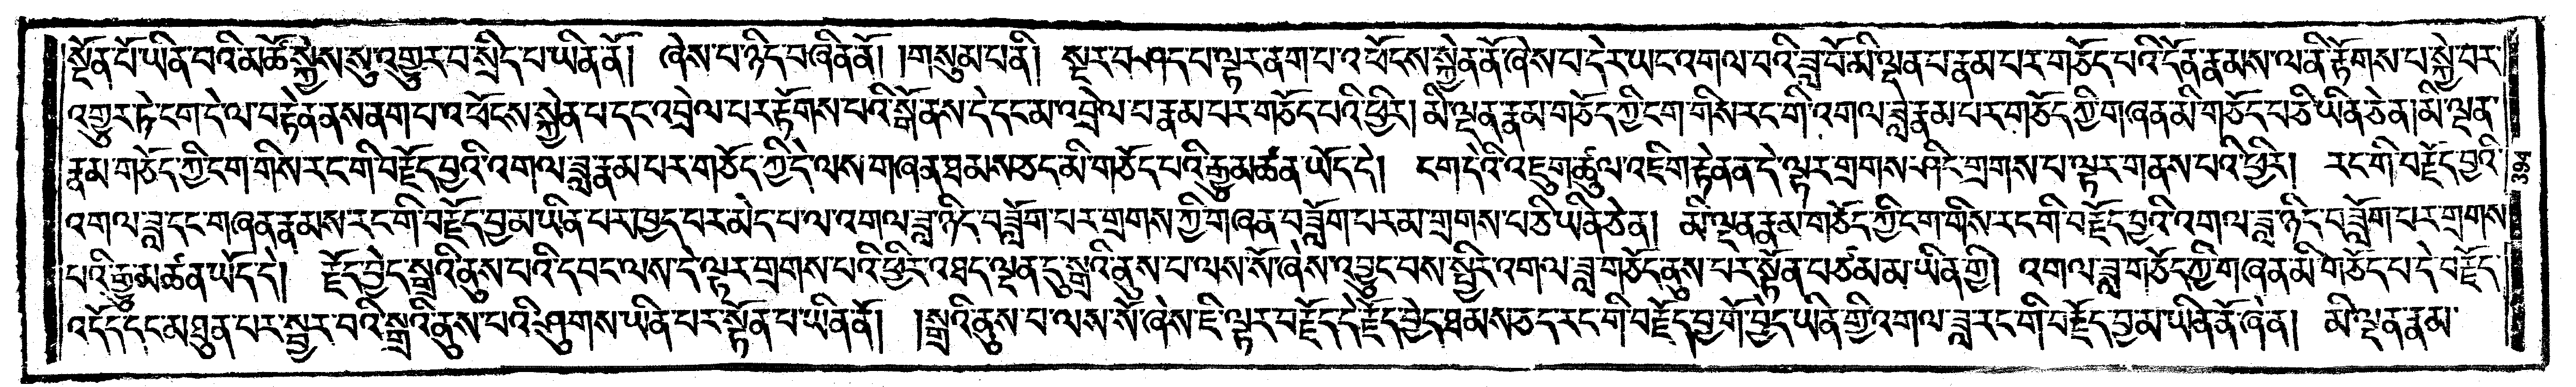སྔོན་པོ་ཡིན་བའི་མཚོ་སྐྱེས་སུ་འགྱུར་བ་སྲིད་པ་ཡིན་ནོ། ཞེས་པ་ཉིད་བཞིན་ནོ། །གསུམ་པ་ནི། སྔར་བཤད་པ་ལྟར་ནག་པ་འཕོངས་སྐྱེན་ནོ་ཞེས་པ་དེར་ཡང་འགལ་བའི་ཟླ་བོ་མི་ལྡན་པ་རྣམ་པར་གཅོད་པའི་དོན་རྣམས་ལ་ནི་རྟོགས་པ་སྐྱེ་བར་
འགྱུར་ཏེ་ངག་དེ་ལ་བརྟེན་ནས་ནག་པ་འཕོངས་སྐྱེན་པ་དང་འབྲེལ་པར་རྟོགས་པའི་སྒོ་ནས་དེ་དང་མ་འབྲེལ་པ་རྣམ་པར་གཅོད་པའི་ཕྱིར། མི་ལྡན་རྣམ་གཅོད་ཀྱི་ངག་གིས་རང་གི་འགལ་ཟླ་རྣམ་པར་གཅོད་ཀྱི་གཞན་མི་གཅོད་པ་ཅི་ཡིན་ཅེ་ན། མི་ལྡན་
རྣམ་གཅོད་ཀྱི་ངག་གིས་རང་གི་བརྗོད་བྱའི་འགལ་ཟླ་རྣམ་པར་གཅོད་ཀྱི་དེ་ལས་གཞན་ཐམས་ཅད་མི་གཅོད་པའི་རྒྱུ་མཚན་ཡོད་དེ། ངག་དེའི་འཇུག་ཚུལ་འཇིག་རྟེན་ན་དེ་ལྟར་གྲགས་ཤིང་གྲགས་པ་ལྟར་གནས་པའི་ཕྱིར། རང་གི་བརྗོད་བྱའི་
འགལ་ཟླ་དང་གཞན་རྣམས་རང་གི་བརྗོད་བྱ་མ་ཡིན་པར་ཁྱད་བར་མེད་པ་ལ་འགལ་ཟླ་ཉིད་བཟློག་པར་གྲགས་ཀྱི་གཞན་བཟློག་པར་མ་གྲགས་པ་ཅི་ཡིན་ཅེ་ན། མི་ལྡན་རྣམ་གཅོད་ཀྱི་ངག་གིས་རང་གི་བརྗོད་བྱའི་འགལ་ཟླ་ཉིད་བཟློག་པར་གྲགས་
པའི་རྒྱུ་མཚན་ཡོད་དེ། རྗོད་བྱེད་སྒྲའི་ནུས་པའི་དབང་ལས་དེ་ལྟར་གྲགས་པའི་ཕྱིར་འཐད་ལྡན་དུ་སྒྲའི་ནུས་པ་ལས་སོ་ཞེས་འབྱུང་བས་སྤྱིར་འགལ་ཟླ་གཅོད་ནུས་པར་སྟོན་བ་ཙམ་མ་ཡིན་གྱི། འགལ་ཟླ་གཅོད་ཀྱི་གཞན་མི་གཅོད་པ་དེ་བརྗོད་
འདོད་དང་མཐུན་པར་སྦྱར་བའི་སྒྲའི་ནུས་པའི་ཤུགས་ཡིན་པར་སྟོན་པ་ཡིན་ནོ། །སྒྲའི་ནུས་བ་ལས་སོ་ཞེས་ཇི་ལྟར་བརྗོད་དེ་རྗོད་བྱེད་ཐམས་ཅད་རང་གི་བརྗོད་བྱ་གོ་བྱེད་ཡིན་གྱི་འགལ་ཟླ་རང་གི་བརྗོད་བྱ་མ་ཡིན་ནོ་ཞེ་ན། མི་ལྡན་རྣམ་